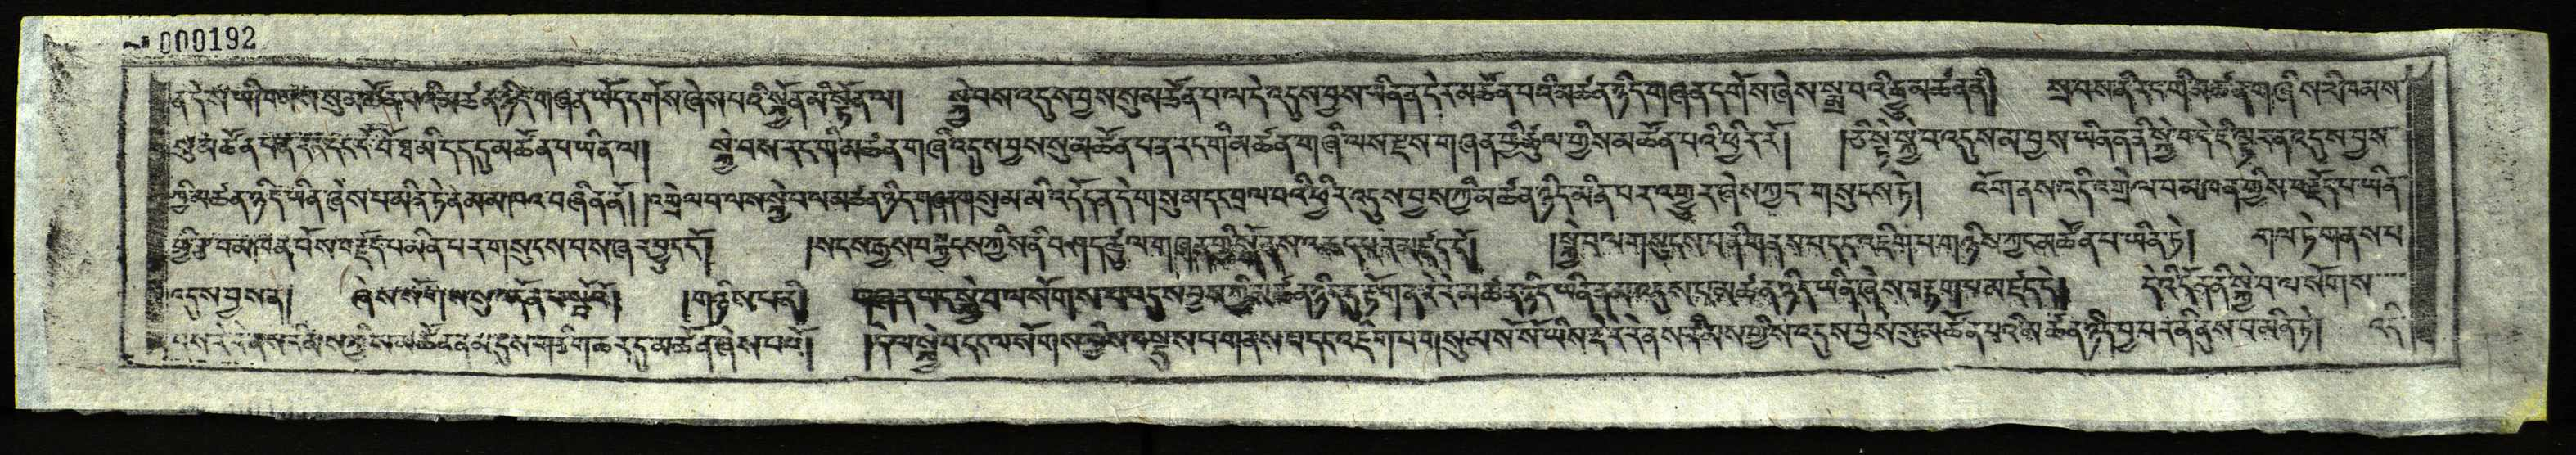ན་དེས་ཡི་ཁམས་སུ་མཚོན་པའི་མཚན་ཉིད་གཞན་ཡོད་དགོས་ཞེས་པའི་སྐྱོན་མི་སྟོན་ལ། སྐྱེ་བས་འདུས་བྱས་སུ་མཚོན་པ་ལ་དེ་འདུས་བྱས་ཡིན་ན་དེར་མཚོན་པའི་མཚན་ཉིད་གཞན་དགོས་ཞེས་སྨྲ་བའི་རྒྱུ་མཚན་ནི། སྲབས་ནི་རང་གི་མཚན་གཞི་སའི་ཁམས་
སུ་མཚོན་པ་ན་རང་དང་ངོ་བོ་ཐ་མི་དད་དུ་མཚོན་པ་ཡིན་ལ། སྐྱེ་བས་རང་གི་མཚན་གཞི་འདུས་བྱས་སུ་མཚོན་པ་ན་རང་གི་མཚན་གཞི་ལས་རྫས་གཞན་གྱི་ཚུལ་གྱིས་མཚོན་པའི་ཕྱིར་རོ། །ཅི་སྟེ་སྐྱེ་བ་འདུས་མ་བྱས་ཡིན་ན་ནི་སྐྱེ་བ་དེ་ཇི་ལྟར་ན་འདུས་བྱས་
ཀྱི་མཚན་ཉིད་ཡིན་ཞེས་པ་མིན་ཏེ་ནམ་མཁའ་བཞིན་ནོ། །འགྲེལ་བ་ལས་སྐྱེ་བས་མཚན་ཉིད་གཞན་གསུམ་མི་འདོད་ན་དེ་གསུམ་དང་བྲལ་བའི་ཕྱིར་འདུས་བྱས་ཀྱི་མཚན་ཉིད་མིན་པར་འགྱུར་ཞེས་ཀྱང་གསུངས་ཏེ། འོག་ནས་འདི་འགྲེལ་བ་མཁན་གྱིས་བརྗོད་པ་ཡིན་
གྱི་རྩ་བ་མཁན་པོས་བརྗོད་པ་མིན་པར་གསུངས་པས་ཞ་འབྱུང་ངོ། །སངས་རྒྱས་བརྐྱངས་ཀྱིས་ནི་བཤད་ཚུལ་གཞན་གྱི་སྒོ་ནས་འཆད་པར་མཛད་དོ། །སྐྱེ་བ་ལ་གསུངས་པ་ནི་གནས་པ་དང་འཇིག་པ་གཉིས་ཀྱང་མཚོན་པ་ཡིན་ཏེ། གལ་ཏེ་གནས་པ་
འདུས་བྱས་ན། ཞེས་སོགས་སུ་འདོན་པ་སྤོའོ། །གཉིས་པ་ནི། གཞན་ཡང་སྐྱེ་བ་ལ་སོགས་པ་འདུས་བྱས་ཀྱི་མཚན་ཉིད་དུ་རྟོག་ན་རེ་རེ་མཚན་ཉིད་ཡིན་ནམ་འདུས་པ་མཚན་ཉིད་ཡིན་ཞེས་བརྟག་པ་མཛད་དེ། དེའི་དོན་ནི་སྐྱེ་བ་ལ་སོགས་
པས་རེ་རེ་ནས་རིམས་ཀྱིས་མཚོན་ནམ་དུས་གཅིག་ཆར་དུ་མཚོན་ཞེས་པའོ། །དེ་ལ་སྐྱེ་བ་དང་ལ་སོགས་ཀྱིས་བསྡུས་པ་གནས་པ་དང་འཇིག་པ་གསུམ་སོ་སོ་ཡིས་རྡེ་རེ་རེ་ནས་རིམས་གྱིས་འདུས་བྱས་སུ་མཚོན་པའི་མཚན་ཉིད་བྱ་བར་ནི་ནུས་པ་མིན་ཏེ། འདི་